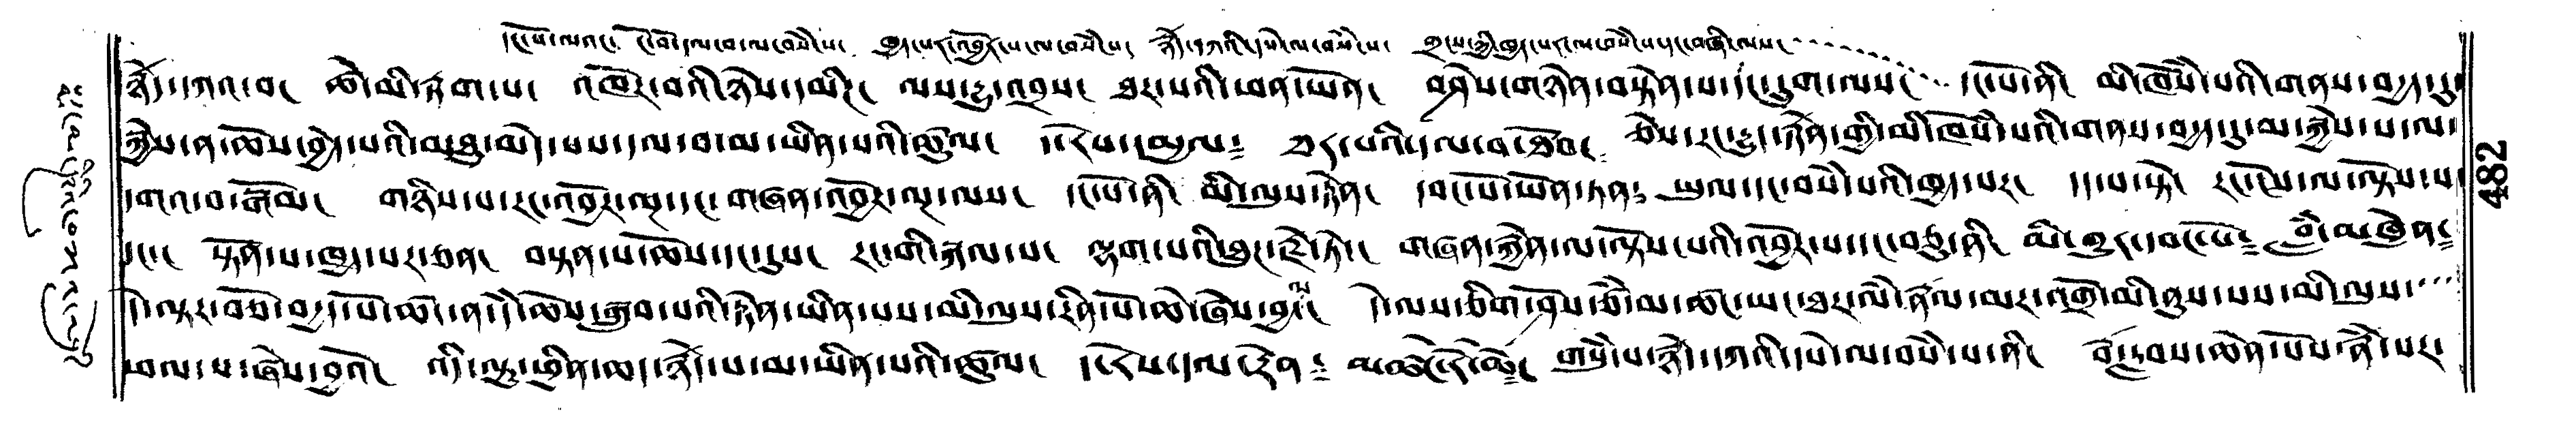རྙེད་དཀའ་བ། ཚེ་མི་རྟག་པ། འཁོར་བའི་ཉེས་དམིགས། ལས་རྒྱུ་འབྲས། ཐར་པའི་ཕན་ཡོན། བཤེས་གཉེན་བསྟེན་པ་དང་དྲུག་ལས། དང་པོ་ལའང་། ངོ་བོ་དལ་བ་ལ་བསམ་པ། ཁྱད་པར་འབྱོར་པ་ལ་བསམ་པ། རྙེད་དཀའི་དཔེ་ལ་བསམ་པ། གྲངས་ཀྱི་ཁྱད་པར་ལ་བསམ་པ་དང་བཞི་ལས། དང་པོ་ནི། མི་ཁོམ་པའི་གནས་བརྒྱད་དུ་
སྐྱེས་ན་ཆོས་བྱེད་པའི་མཐུ་མེད་པས་དལ་བ་མ་ཡིན་པའི་ཚུལ། ད་རེས་དམྱལ༴ ཐར་པའི་དལ་བ་ཐོབ། ཅེས་རང་རྒྱུད་རྟེན་གྱི་མི་ཁོམ་པའི་གནས་བརྒྱད་དུ་མ་སྐྱེས་པ་ལ་
དགའ་བ་བསྒོམ། གཉིས་པ་རང་འབྱོར་ལྔ་དང་གཞན་འབྱོར་ལྔ་ལས། དང་པོ་ནི། མི་ལུས་རྟེན། དབང་པོ་ཡོན་ཏན། ཡུལ་དང་བསམ་པའི་ཁྱད་པར་དད་པ་སྟེ། རང་ངོས་ལ་ལྟོས་པ་
དང་། སྟོན་པ་ཁྱད་པར་ཅན། བསྟན་པ་ཆོས་དང་དུས། རང་གི་སྐལ་པ། ལྷག་པའི་ཐུགས་རྗེ་སྟེ།གཞན་རྐྱེན་ལ་ལྟོས་པའི་འབྱོར་པ་དང་བཅུ་ནི། མི་གྱུར་དབང་པོ༴ བླ་མ་མཁྱེན༴ 
དེ་ལྟར་བཅོ་བརྒྱད་པོ་ཚང་ན་དམ་ཆོས་སྒྲུབ་པའི་རྟེན་ཡིན་པས་མི་ལུས་རིན་པོ་ཆེ་ཞེས་བྱ་ལ། དེ་ལས་ཅིག་ཤོས་ཙམ་མ་ཚང་ཡང་ཐར་ལམ་རྣལ་མར་འགྲོ་མི་ནུས་པས་མི་ལུས་
ཕལ་པ་ཞེས་བྱའོ། འདི་ལྟ་བུ་ཕྱིན་ཆད་རྙེད་པ་མ་ཡིན་པའི་ཚུལ། ད་རེས་དལ་རྟེན༴ མཚང་རེ་ཆེ། གསུམ་པ་རྙེད་དཀའི་དཔེ་ལ་བསམ་པ་ནི། རྦ་རླབས་ཆེན་པོས་རྣམ་པར་